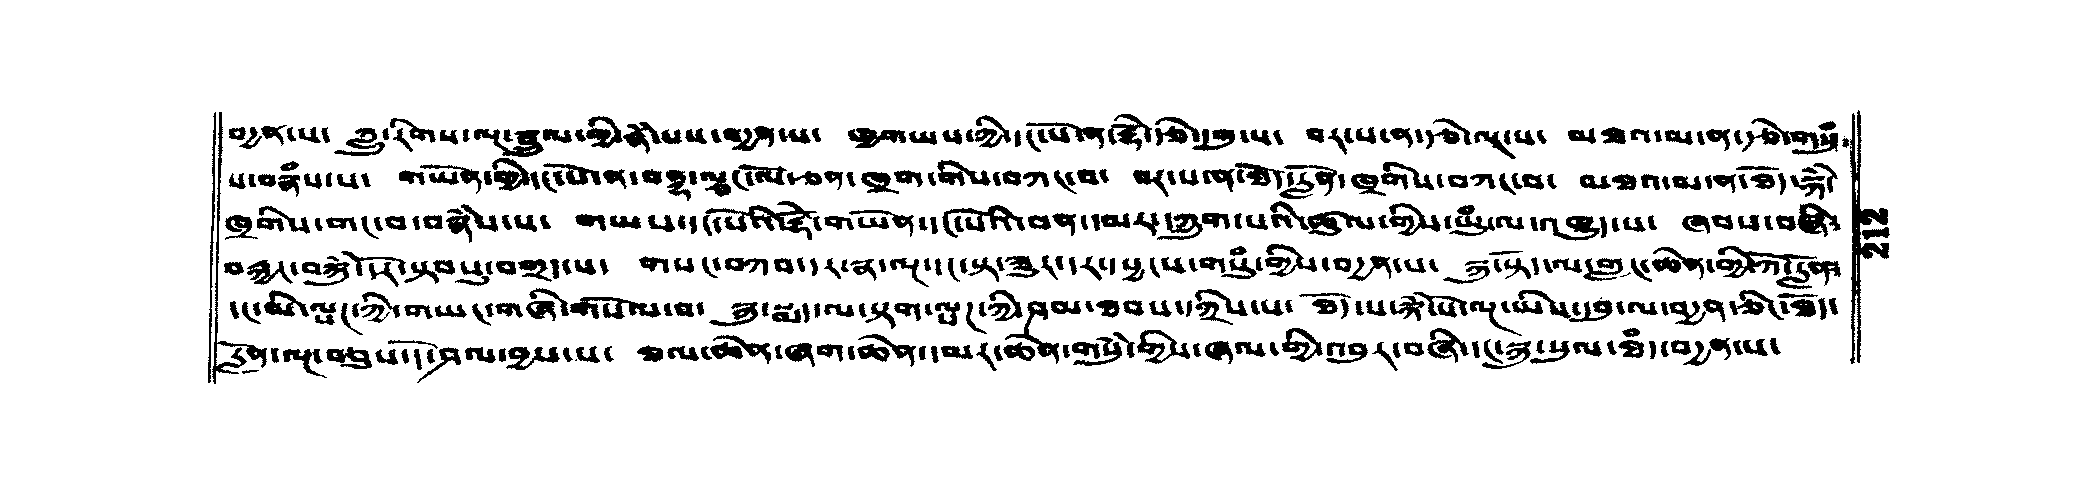བརྒྱན་པ། ཀླུ་རིགས་ལྔ་སྦྲུལ་གྱི་རྣམ་པས་བརྒྱན་པ། ཕྱག་གཡས་ཀྱི་དང་པོ་ན་རྡོ་རྗེ་རྩེ་དགུ་པ། བར་པ་ན་རྩེ་ལྔ་པ། མཐའ་མ་ན་རྩེ་གསུམ་
པ་བསྣམས་པ། གཡོན་གྱི་དང་པོ་ན་བནྡྷ་ལྕང་ལོ་ཅན་ཁྲག་གིས་བཀང་བ། བར་པ་ན་ཐོད་རློན་ཁྲག་གིས་བཀང་བ། མཐའ་མ་ན་ཐོད་སྐམ་
ཁྲག་གིས་གང་བ་བསྣམས་པ། གཡས་དང་པོའི་རྡོ་རྗེ་གཡས་དང་པོའི་རྡོ་རྗེ་གཡོན་དང་པོའི་བན་དམར་དཀྲུག་པའི་ཚུལ་གྱིས་ཡུམ་ལ་འཁྱུད་པ། ཞབས་བཞི་
བརྐྱང་བསྐུམ་དོར་སྟབས་སུ་བགྲད་པ། གསང་བཀབ་དར་སྣ་ལྔ་དང་སྟ་ཟུར་དར་དཔྱངས་གསུམ་གྱིས་བརྒྱན་པ། སྐུ་སྟོད་ལ་གླང་ཆེན་གྱི་ཀོ་རློན་
དང་མི་ལྤགས་ཀྱི་གཡང་གཞི་གསོལ་བ། སྐུ་སྨད་ལ་སྟག་ལྤགས་ཀྱི་ཤམ་ཐབས་དཀྲིས་པ། ཐོད་པ་སྐམ་པོ་ལྔ་ཡིས་དབུ་ལ་བརྒྱན་ཅིང་ཐོད་
རློན་ལྔ་བཅུས་དོ་ཤལ་བྱས་པ། ཐལ་ཆེན་ཞག་ཆེན་དམར་ཆེན་གསུམ་གྱིས་ཞལ་གྱིས་འབུར་བཞི་དང་སྐུ་སུལ་ཐམས་ཅད་བརྒྱན་པ།